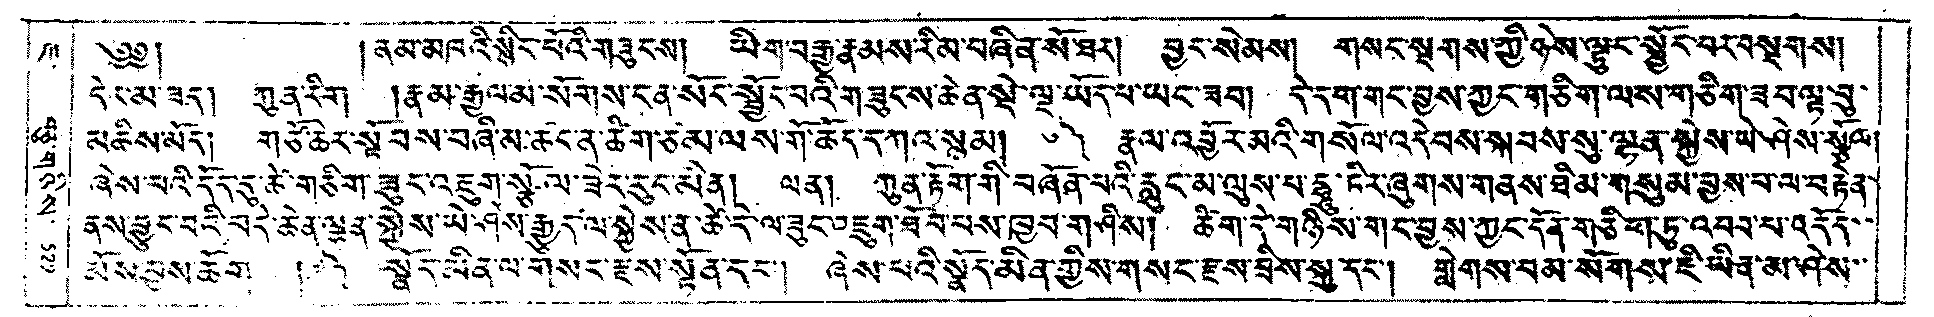༄༅། །ནམ་མཁའི་སྙིང་པོའི་གཟུངས། ཡིག་བརྒྱ་རྣམས་རིམ་བཞིན་སོ་ཐར། བྱང་སེམས། གསང་སྔགས་ཀྱི་ཉེས་ལྟུང་སྦྱོང་བར་བསྔགས།
དེར་མ་ཟད། ཀུན་རིག །རྣམ་རྒྱལ་མ་སོགས་ངན་སོང་སྦྱོང་བའི་གཟུངས་ཆེན་སྡེ་ལྔ་ཡོད་པ་ཡང་ཟབ། དེ་དག་གང་བྱས་ཀྱང་གཅིག་ལས་གཅིག་ཟབ་ལྟ་བུ་
མཆིས་མོད། གཙོ་ཆེར་སྟོབས་བཞི་མ་ཚང་ན་ཚིག་ཙམ་ལས་གོ་ཆོད་དཀའ་སྙམ། ༦?་རྣལ་འབྱོར་མའི་གསོལ་འདེབས་སྐབས་སུ་ལྷན་སྐྱེས་ཡེ་ཤེས་སྩོལ་
ཞེས་པའི་དོད་དུ་ཚེ་གཅིག་ཟུང་འཇུག་སྩོལ་ཟེར་རུང་མིན། ལན། ཀུན་རྟོག་གི་བཞོན་པའི་རླུང་མ་ལུས་པ་དྷཱུ་ཏིར་ཞུགས་གནས་ཐིམ་གསུམ་བྱས་པ་ལ་བརྟེན་
ནས་བྱུང་བའི་བདེ་ཆེན་ལྷན་སྐྱེས་ཡེ་ཤེས་རྒྱུད་ལ་སྐྱེས་ན་ཚེ་དེ་ལ་ཟུང་འཇུག་ཐོབ་པས་ཁྱབ་གཤིས། ཚིག་དེ་གཉིས་གང་བྱས་ཀྱང་དོན་གཅིག་ཏུ་འབབ་པ་འདོད་
མོས་བྱས་ཆོག །༧?་སྣོད་མིན་ལ་གསང་རྫས་སྟོན་དང་། ཞེས་པའི་སྣོད་མིན་གྱིས་གསང་རྫས་བྲིས་སྐུ་དང་། གླེགས་བམ་སོགས་ཇི་ཡིན་མ་ཤེས་